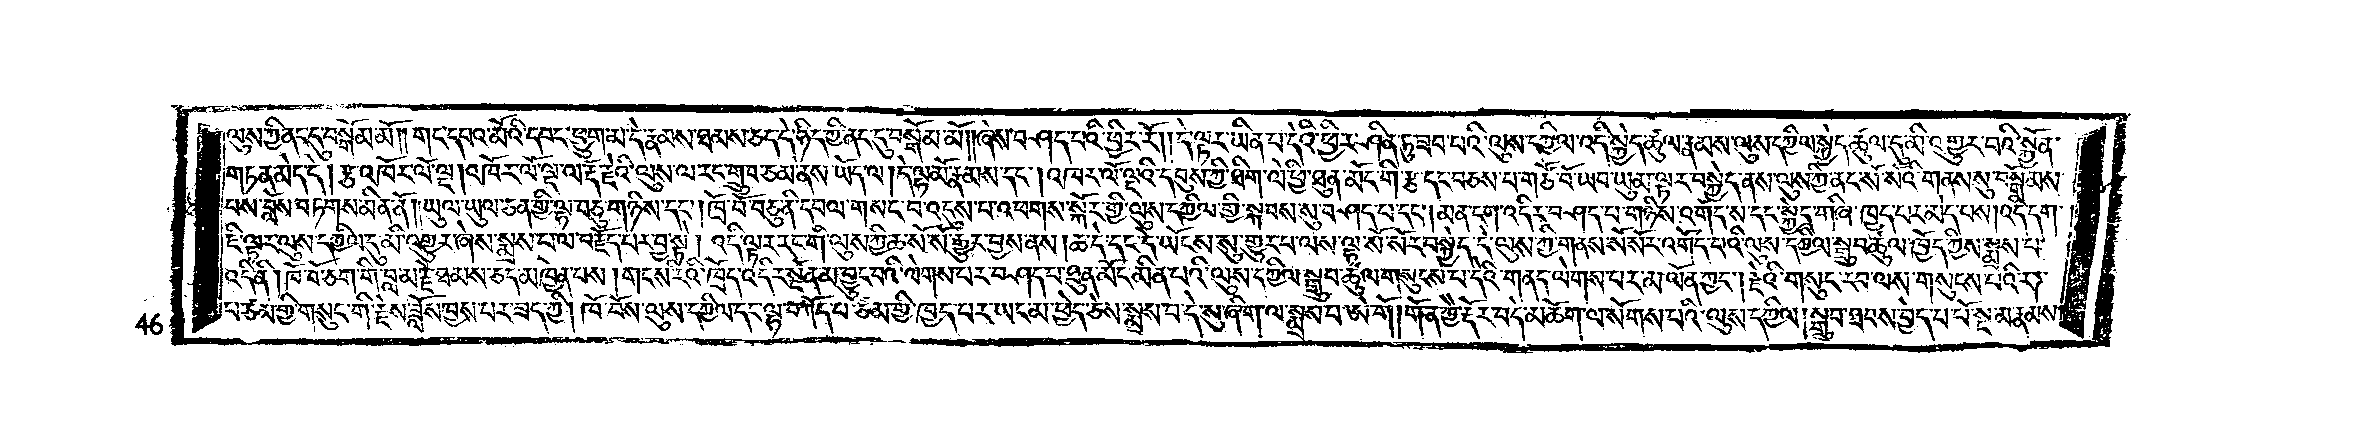ལུས་ཀྱི་ནང་དུ་བསྒོམ་མོ། །གང་དཔའ་མོའི་དབང་ཕྱུག་མ་དེ་རྣམས་ཐམས་ཅད་དེ་ཉིད་ཀྱི་ནང་དུ་བསྒོམ་མོ། །ཞེས་བཤད་པའི་ཕྱིར་རོ། །དེ་ལྟར་ཡིན་པ་དེའི་ཕྱིར་ཤིན་ཏུ་ཟབ་པའི་ལུས་དཀྱིལ་འདི་སྐྱེད་ཚུལ་རྣམས་ལུས་དཀྱིལ་སྐྱེད་ཚུལ་དུ་མི་འགྱུར་བའི་སྐྱོན་
གཏན་མེད་དེ། རྩ་འཁོར་ལོ་ལྔ། འཁོར་ལོ་ལྔ་ལ་རྡོ་རྗེའི་ལུས་ལ་རང་གྲུབ་ཙམ་ནས་ཡོད་ལ། དེ་ལྷ་མོ་རྣམས་དང་། འཁོར་ལོ་ལྔའི་དབུས་ཀྱི་ཐིག་ལེ་ཕྱི་ཐུན་མོང་གི་རྩ་དང་བཅས་པ་གཙོ་བོ་ཡབ་ཡུམ་ལྟར་བསྐྱེད་ནས་ལུས་ཀྱི་ནང་སོ་སོའི་གནས་སུ་བསྒོམས་
པས་བློས་བཏགས་མིན་ནོ། །ཡུལ་ཡུལ་ཅན་གྱི་ལྷ་བཅུ་གཉིས་དང་། ཁྲོ་བོ་བཅུ་ནི་དཔལ་གསང་བ་འདུས་པ་འཕགས་སྐོར་གྱི་ལུས་དཀྱིལ་གྱི་སྐབས་སུ་བཤད་པ་དང་། མན་ངག་འདིར་བཤད་པ་གཉིས་འགོད་ས་དང་སྐྱེད་གཞི་ཁྱད་པར་མེད་པས། འདི་དག་
ཇི་ལྟར་ལུས་དཀྱིལ་དུ་མི་འགྱུར་ཞེས་སྨྲས་པ་ལ་བརྗོད་པར་བྱ་སྟེ། འདི་ལྟར་རང་གི་ལུས་ཀྱི་ཆ་སོ་སོ་རྒྱུར་བྱས་ནས། ཆ་དེ་དང་དེ་ཡོངས་སུ་གྱུར་པ་ལས་ལྷ་སོ་སོར་བསྐྱེད་དེ་ལུས་ཀྱི་གནས་སོ་སོར་འགོད་པའི་ལུས་དཀྱིལ་སྒྲུབ་ཚུལ་ཁྱོད་ཀྱིས་སྨྲས་པ་
འདི་ནི། ཁོ་བོ་ཅག་གི་བླ་མ་རྗེ་ཐམས་ཅད་མཁྱེན་པས། གངས་རིའི་ཁྲོད་འདིར་སྔོན་མ་བྱུང་བའི་ལེགས་པར་བཤད་པ་ཐུན་མོང་མིན་པའི་ལུས་དཀྱིལ་སྒྲུབ་ཚུལ་གསུངས་པ་དེའི་གནད་ལེགས་པར་མ་ལོན་ཀྱང་། རྗེའི་གསུང་རབ་ལས་གསུངས་པའི་རགས་
པ་ཙམ་གྱི་གསུང་གི་རྗེས་ཟློས་བྱས་པར་ཟད་ཀྱི། ཁོ་བོས་ལུས་དཀྱིལ་དང་ལྷ་བཀོད་པ་ཙམ་གྱི་ཁྱད་པར་ཡང་མ་ཕྱེད་ཅེས་སྨྲས་པ་དེ་སུ་ཞིག་ལ་སྨྲས་པ་ཨེ་གོ། གོ་ན་ཀྱཻ་རྡོར་བདེ་མཆོག་ལ་སོགས་པའི་ལུས་དཀྱིལ། སྒྲུབ་ཐབས་བྱེད་པ་པོ་སྔ་མ་རྣམས་